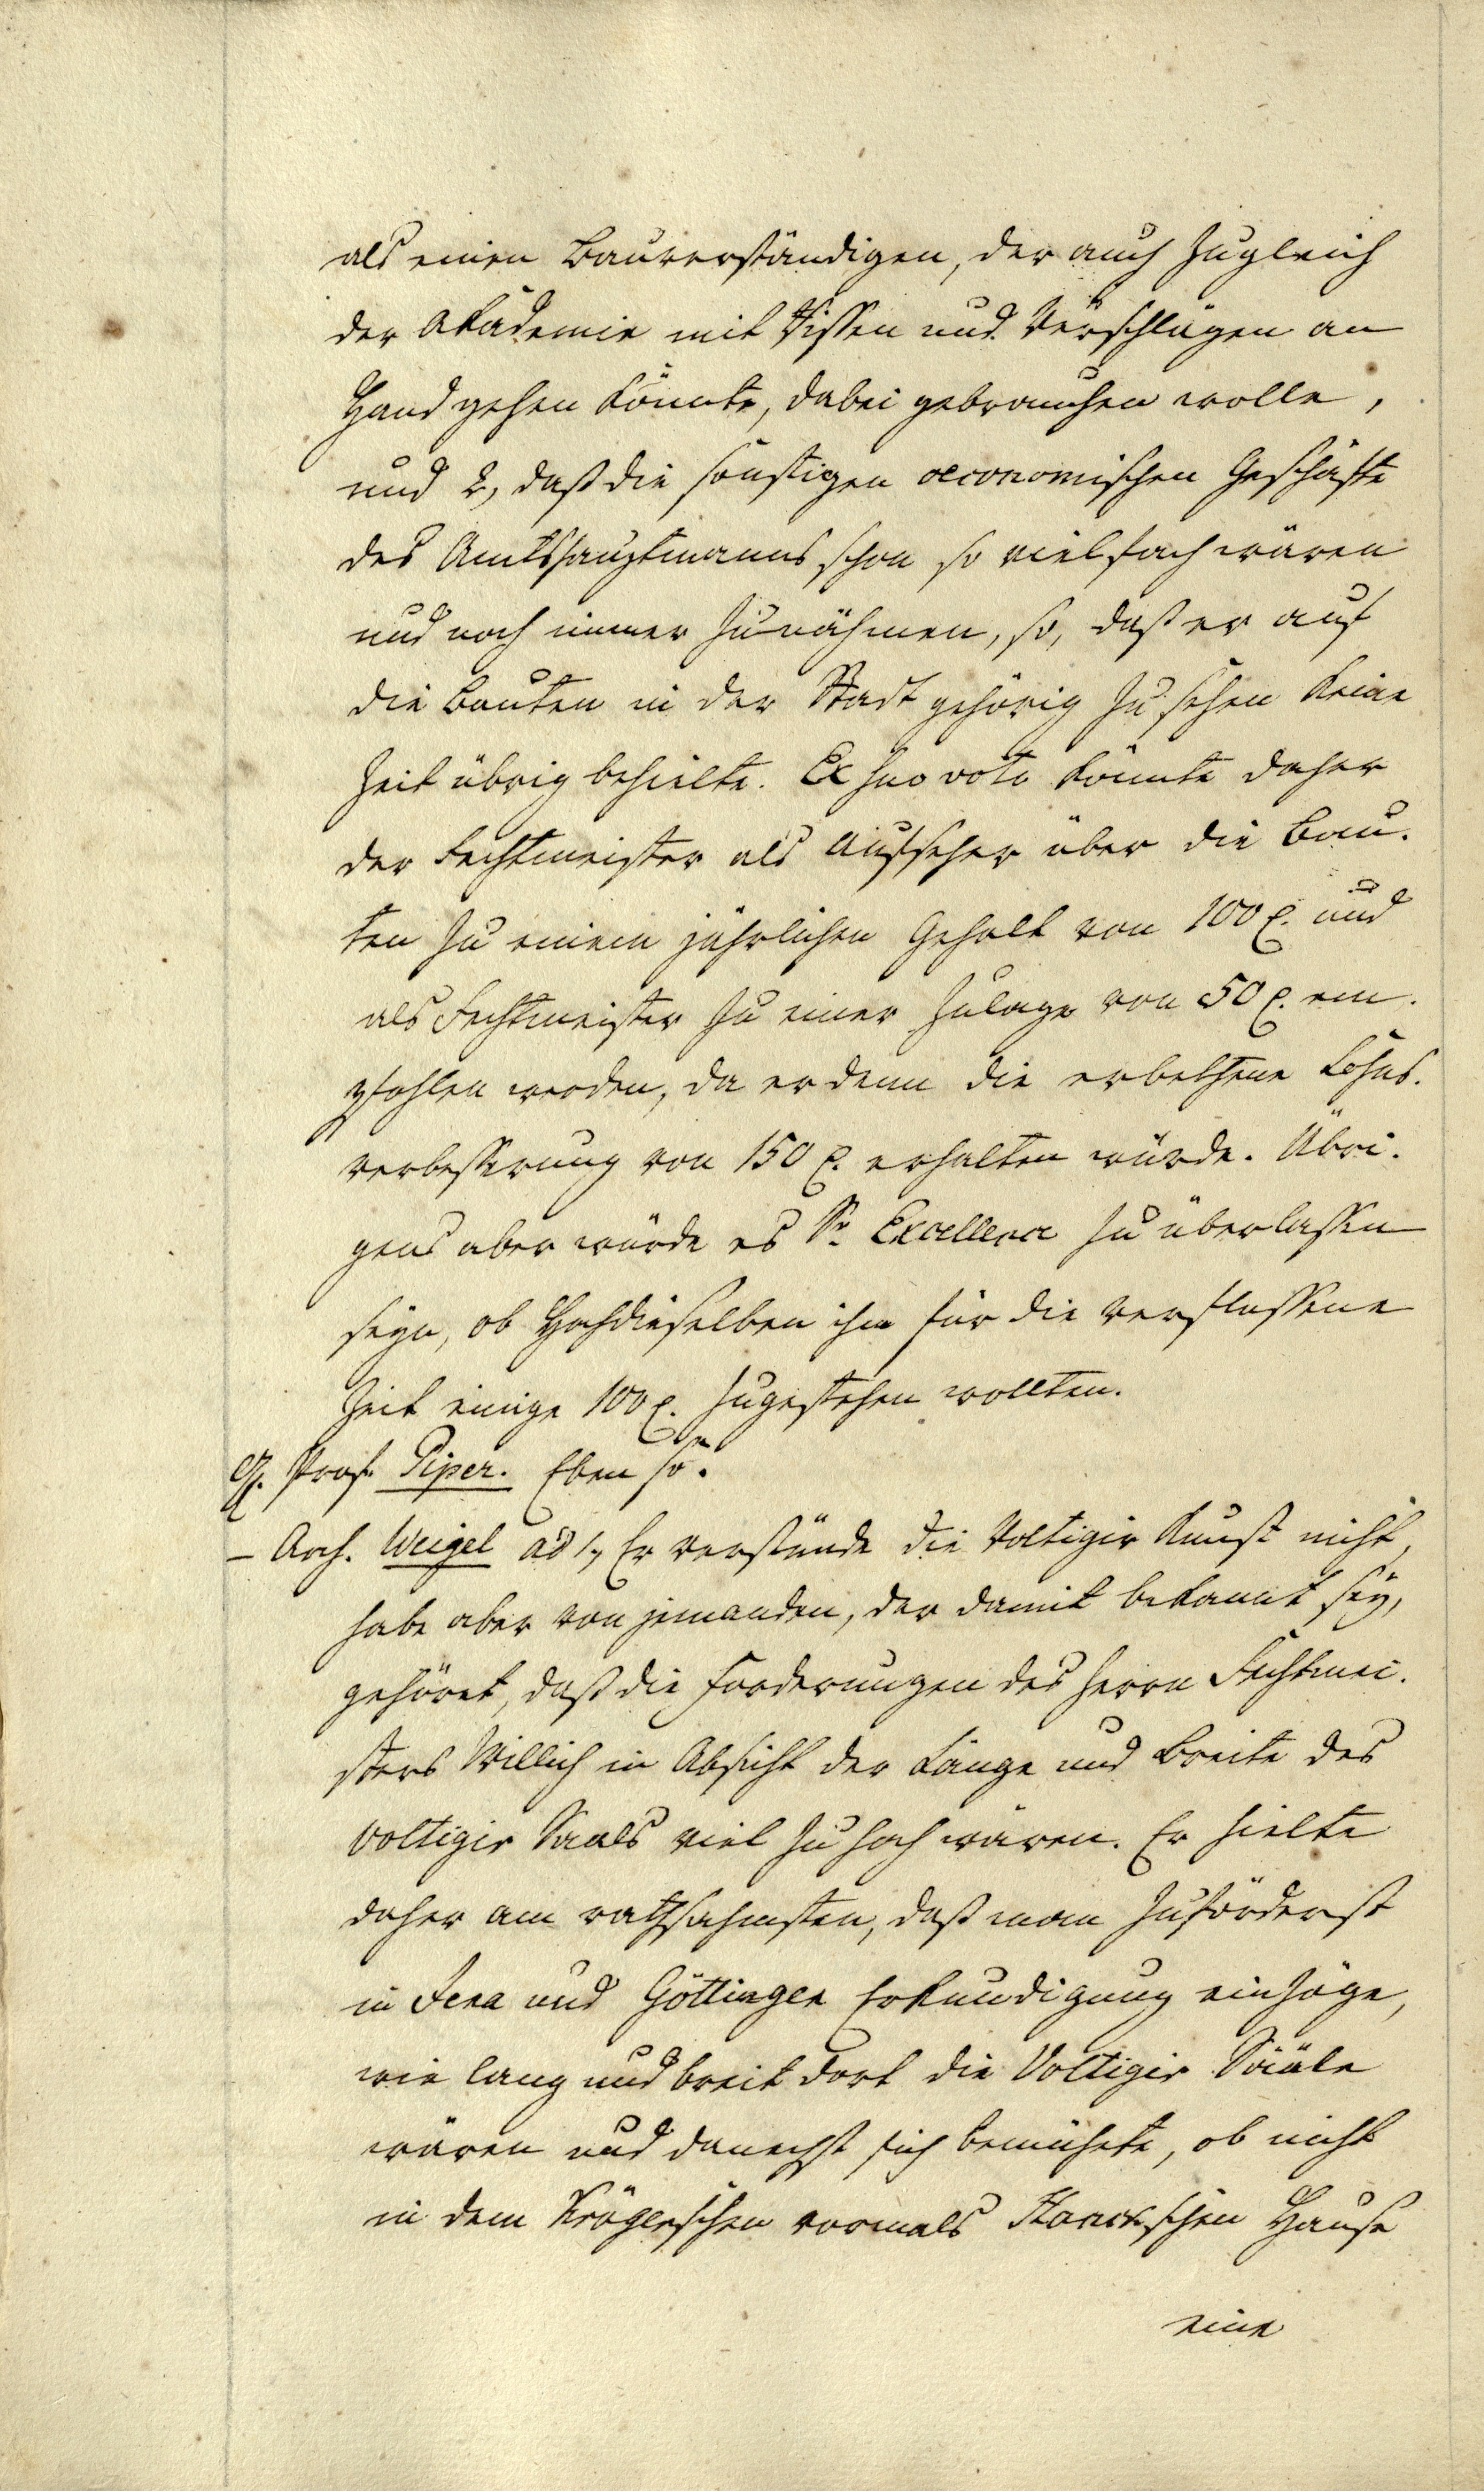als einen Bauverständigen, der auch zugleich
der Akademie mit Rissen und Verschlägen an
Hand gehen könnte, dabei gebrauchen wolle,
und 2, daß die sonstigen oeconomischen Geschäfte
des Amtshauptmanns schon so vielfach wären
und noch immer zunähmen, so, daß er auf
die Bauten in der Stadt gehörig zu sehen keine
Zeit übrige behielte. Ex suo voto könnte daher
der Fechtmeister als Aufseher über die Bau¬
ten zu einem jährlichen Gehalt von 100 l. und
als Fechtmeister zu einer Zulage von 50 l. em¬
pfohlen werden, da er denn die erbethene Lohns¬
verbesserung von 150 l. erhalten würde. Übri¬
gens aber würde es Sr Excellence zu überlassen
seÿn, ob Hochdieselben ihm für die verflossene
Zeit einge 100 l. zugestehen wollten.
dh. Prof. Piper. Eben so.
Arch. Weigel ad 1., Er verstünde die Voltigir Kunst nicht,
habe aber von jemanden, der damit bekannt seÿ,
gehöret, daß die Forderungen des Herrn Fechtmei¬
sters Willich in Absicht der Länge und Breite des
Voltigir Saals viel zu hoch wären. Er hielte
daher am rathsahmsten, daß man zuförderst
in Jena und Golliagee Erkundigung einzöge,
wie lang und breit dort die Voltigir Sääle
wären und danechst sich bemühete, ob nicht
in dem Krögerschen vormals Hanckschen Hause
eine